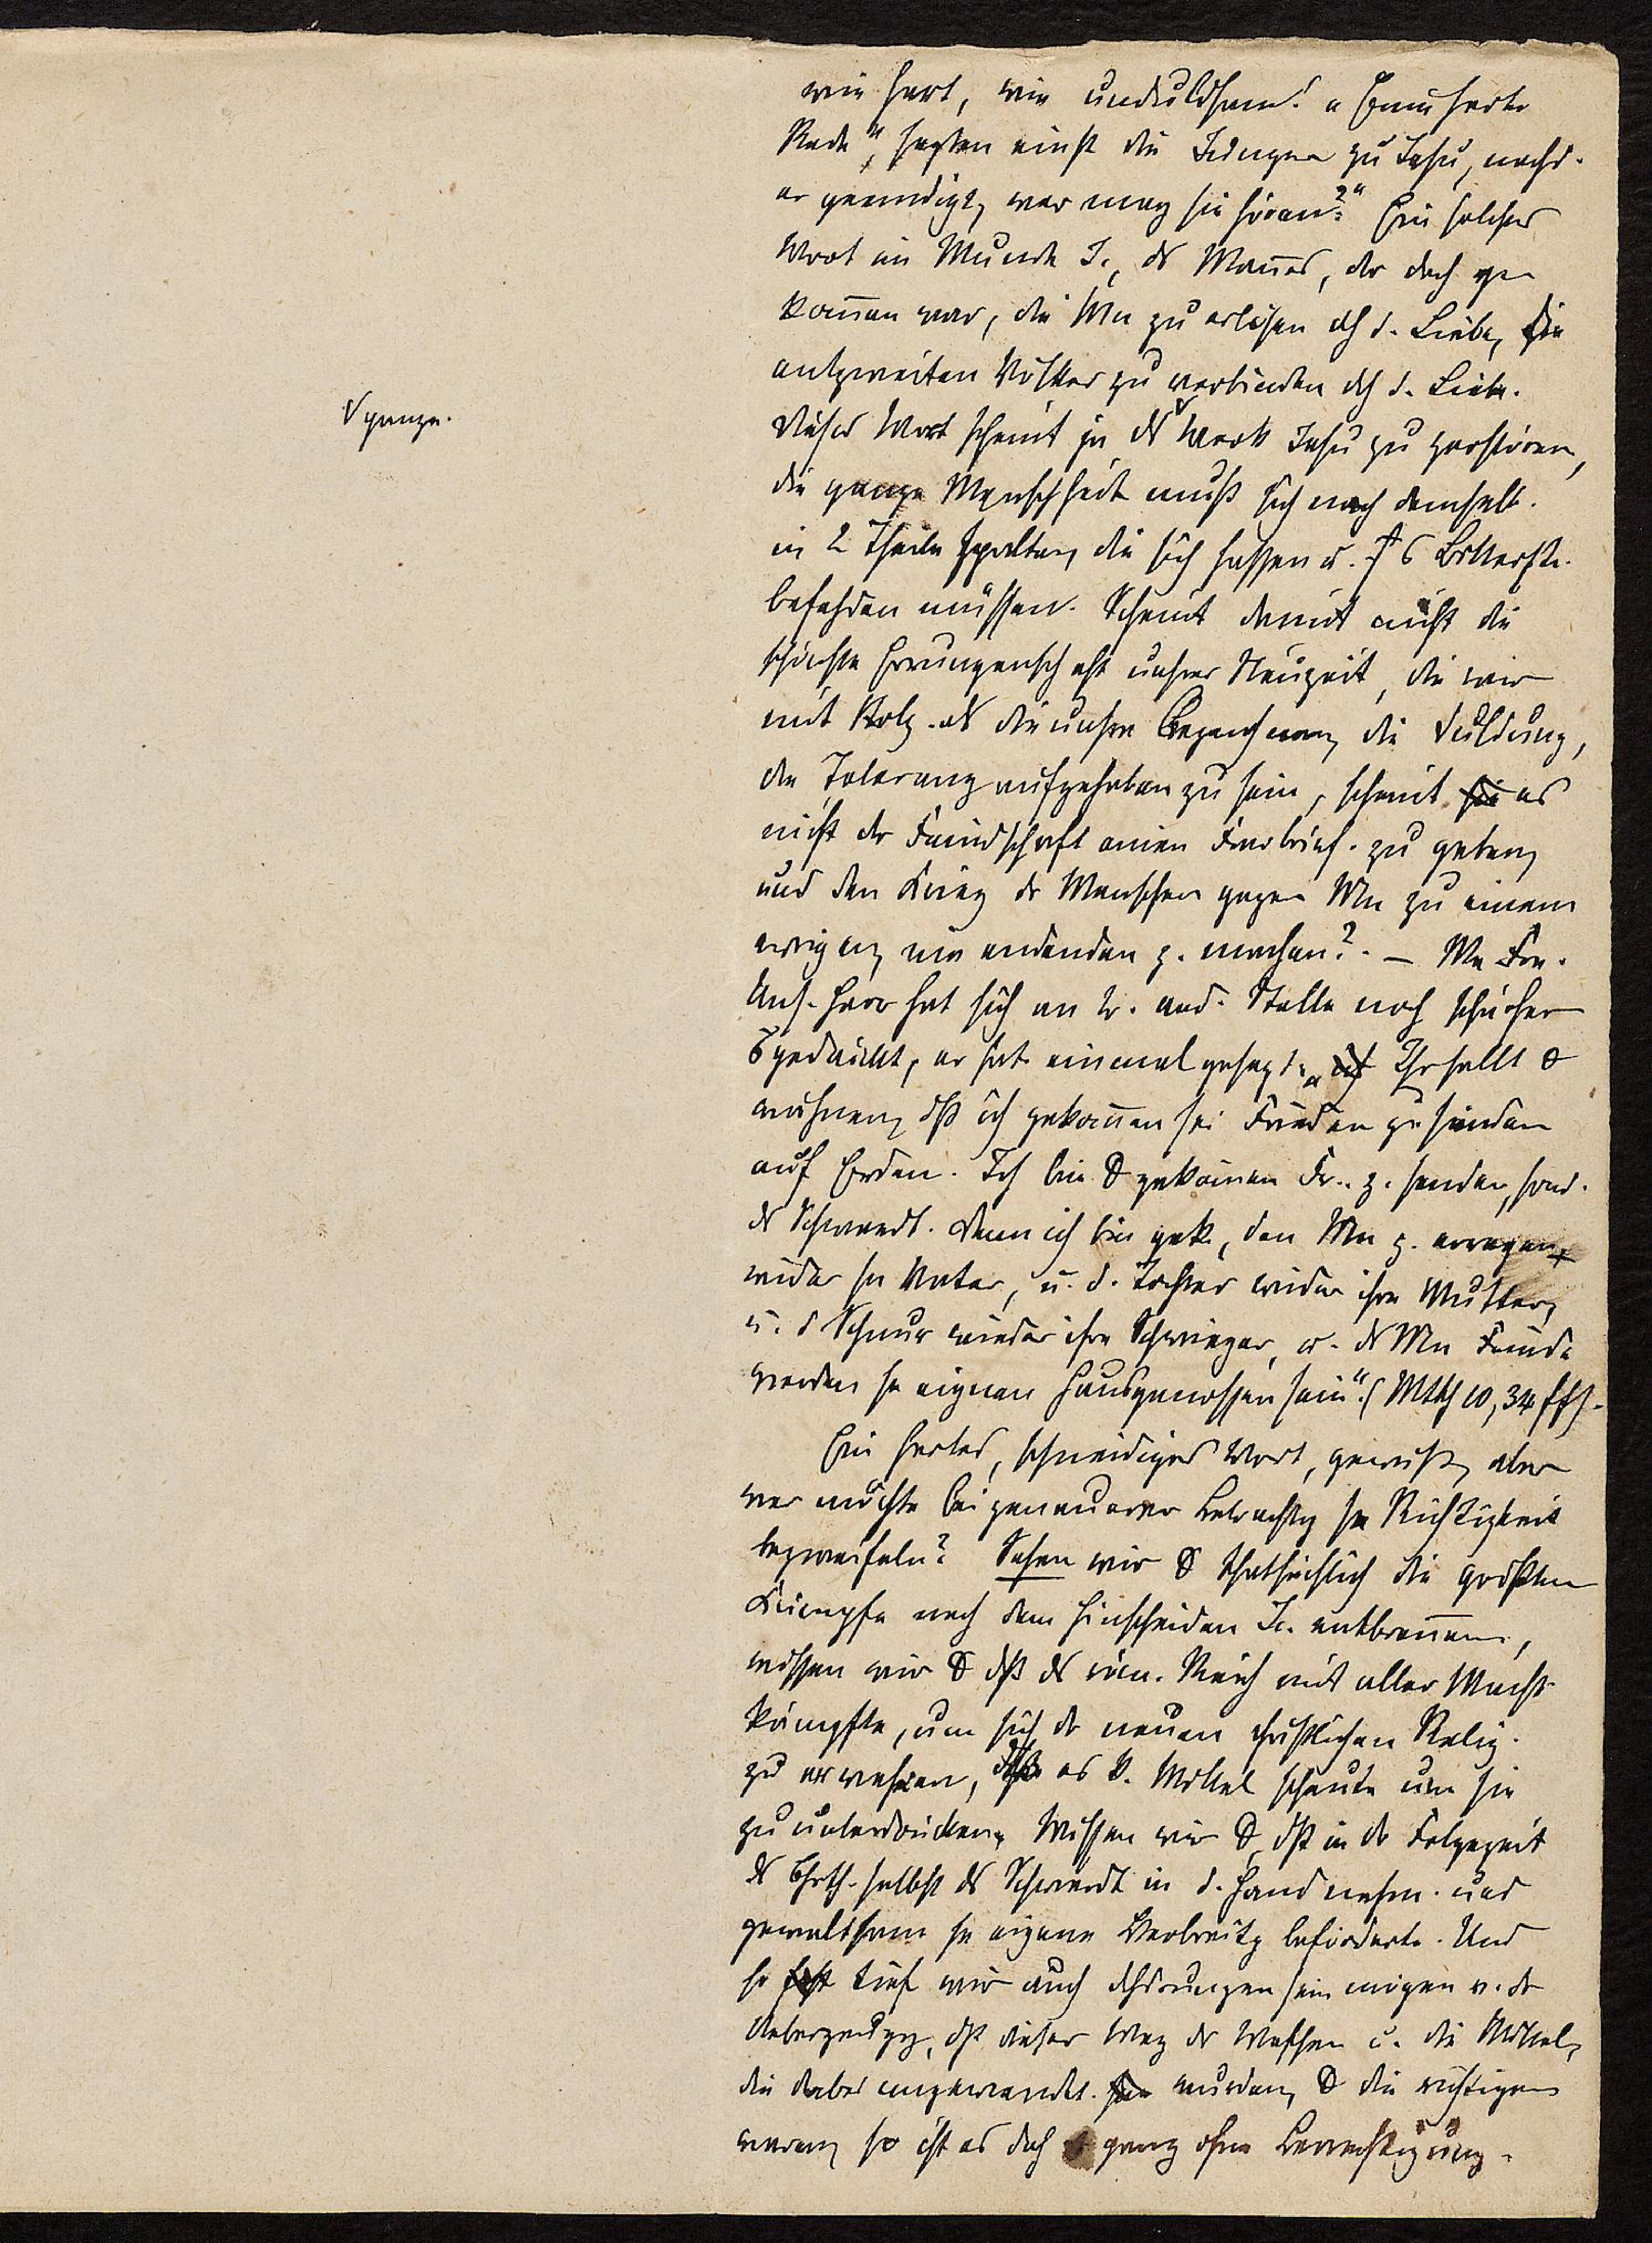V ganze.
wie hart, wie unduldsam! "Eine harte
Rede," sagten einst die Jünger zu Jesu, nachd.
er geendigt, wer mag sie hören?" Ein solches
Wort im Munde J., ds Manes, dr doch ge¬
komen war, die Mn zu erlösen dch d. Liebe, die
entzweiten Völker zu verbinden dch die Liebe.
Dieses Wort scheint ja ds Werk Jesu zu zerstören,
die ganze Menschheit muß sich nach demselb.
in 2 Theile spalten, die sich hassen u. f s Bitterste
befehden müssen. Scheint damit nicht die
schönste Errungenschaft eht unsrer Neuzeit, die wir
mit Stolz als die unsre bezeichnen, die Duldung,
die Toleranz aufgehoben zu sein, scheint sie es
nicht dr Feindschaft einen Freibrief zu geben,
aus dm Krieg der Menschen gegen Mn zu einem
ewigen, nie endenden z. machen? _ Mn Frn.
Uns. Herr hat sich an 2. and. Stellen noch schärfer
sgedrückt, er hat einmal gesagt: "ich Ihr sollt o
annehmen, dß ich gekomen sie Frieden zu senden
auf Erden. Ich bin o gekommen Fr. z. senden, sond.
ds Schwert. Denn ich bin gek., den Mn z erregen
wider sn Vater u. d. Tochter wider ihre Mutter,
u. d. Schnur wieder ihre Schwieger, u. ds Mn Feinde
werden sn eignen Hausgenossen sein!. (Mtth 10, 34 ff).
Ein hartes, schneidiges Wort, gewiß, aber
wer möchte bei genauerer Betrachtg sn Richtigkeit
bezweifeln? Sehen wir o thatsächlich die größten
Kämpfe nach dem Hinscheiden J. entbrenen,
wissen wir o dß ds röm. Reich mit aller Macht
kämpfte, um sich dr neuen christlichen Relig.
zu erwehren, dß es k. Mittel scheute um sie
zu unterdrücken. Wissen wir o, dß in dr Folgezeit
ds Chrth selbst ds Schwerdt in d. Hand nahm und
gewaltsam sn eigene Verbreitg beförderte. Und
so fest tief wir auch dhdrungen sein mögen v. dr
Ueberzeugg, dß dieser Weg dr Waffen u. die Mittel,
die dabei ungewandt sein wurden, o die richtigen
waren, so ist es doch ganz ohne Berechtigung